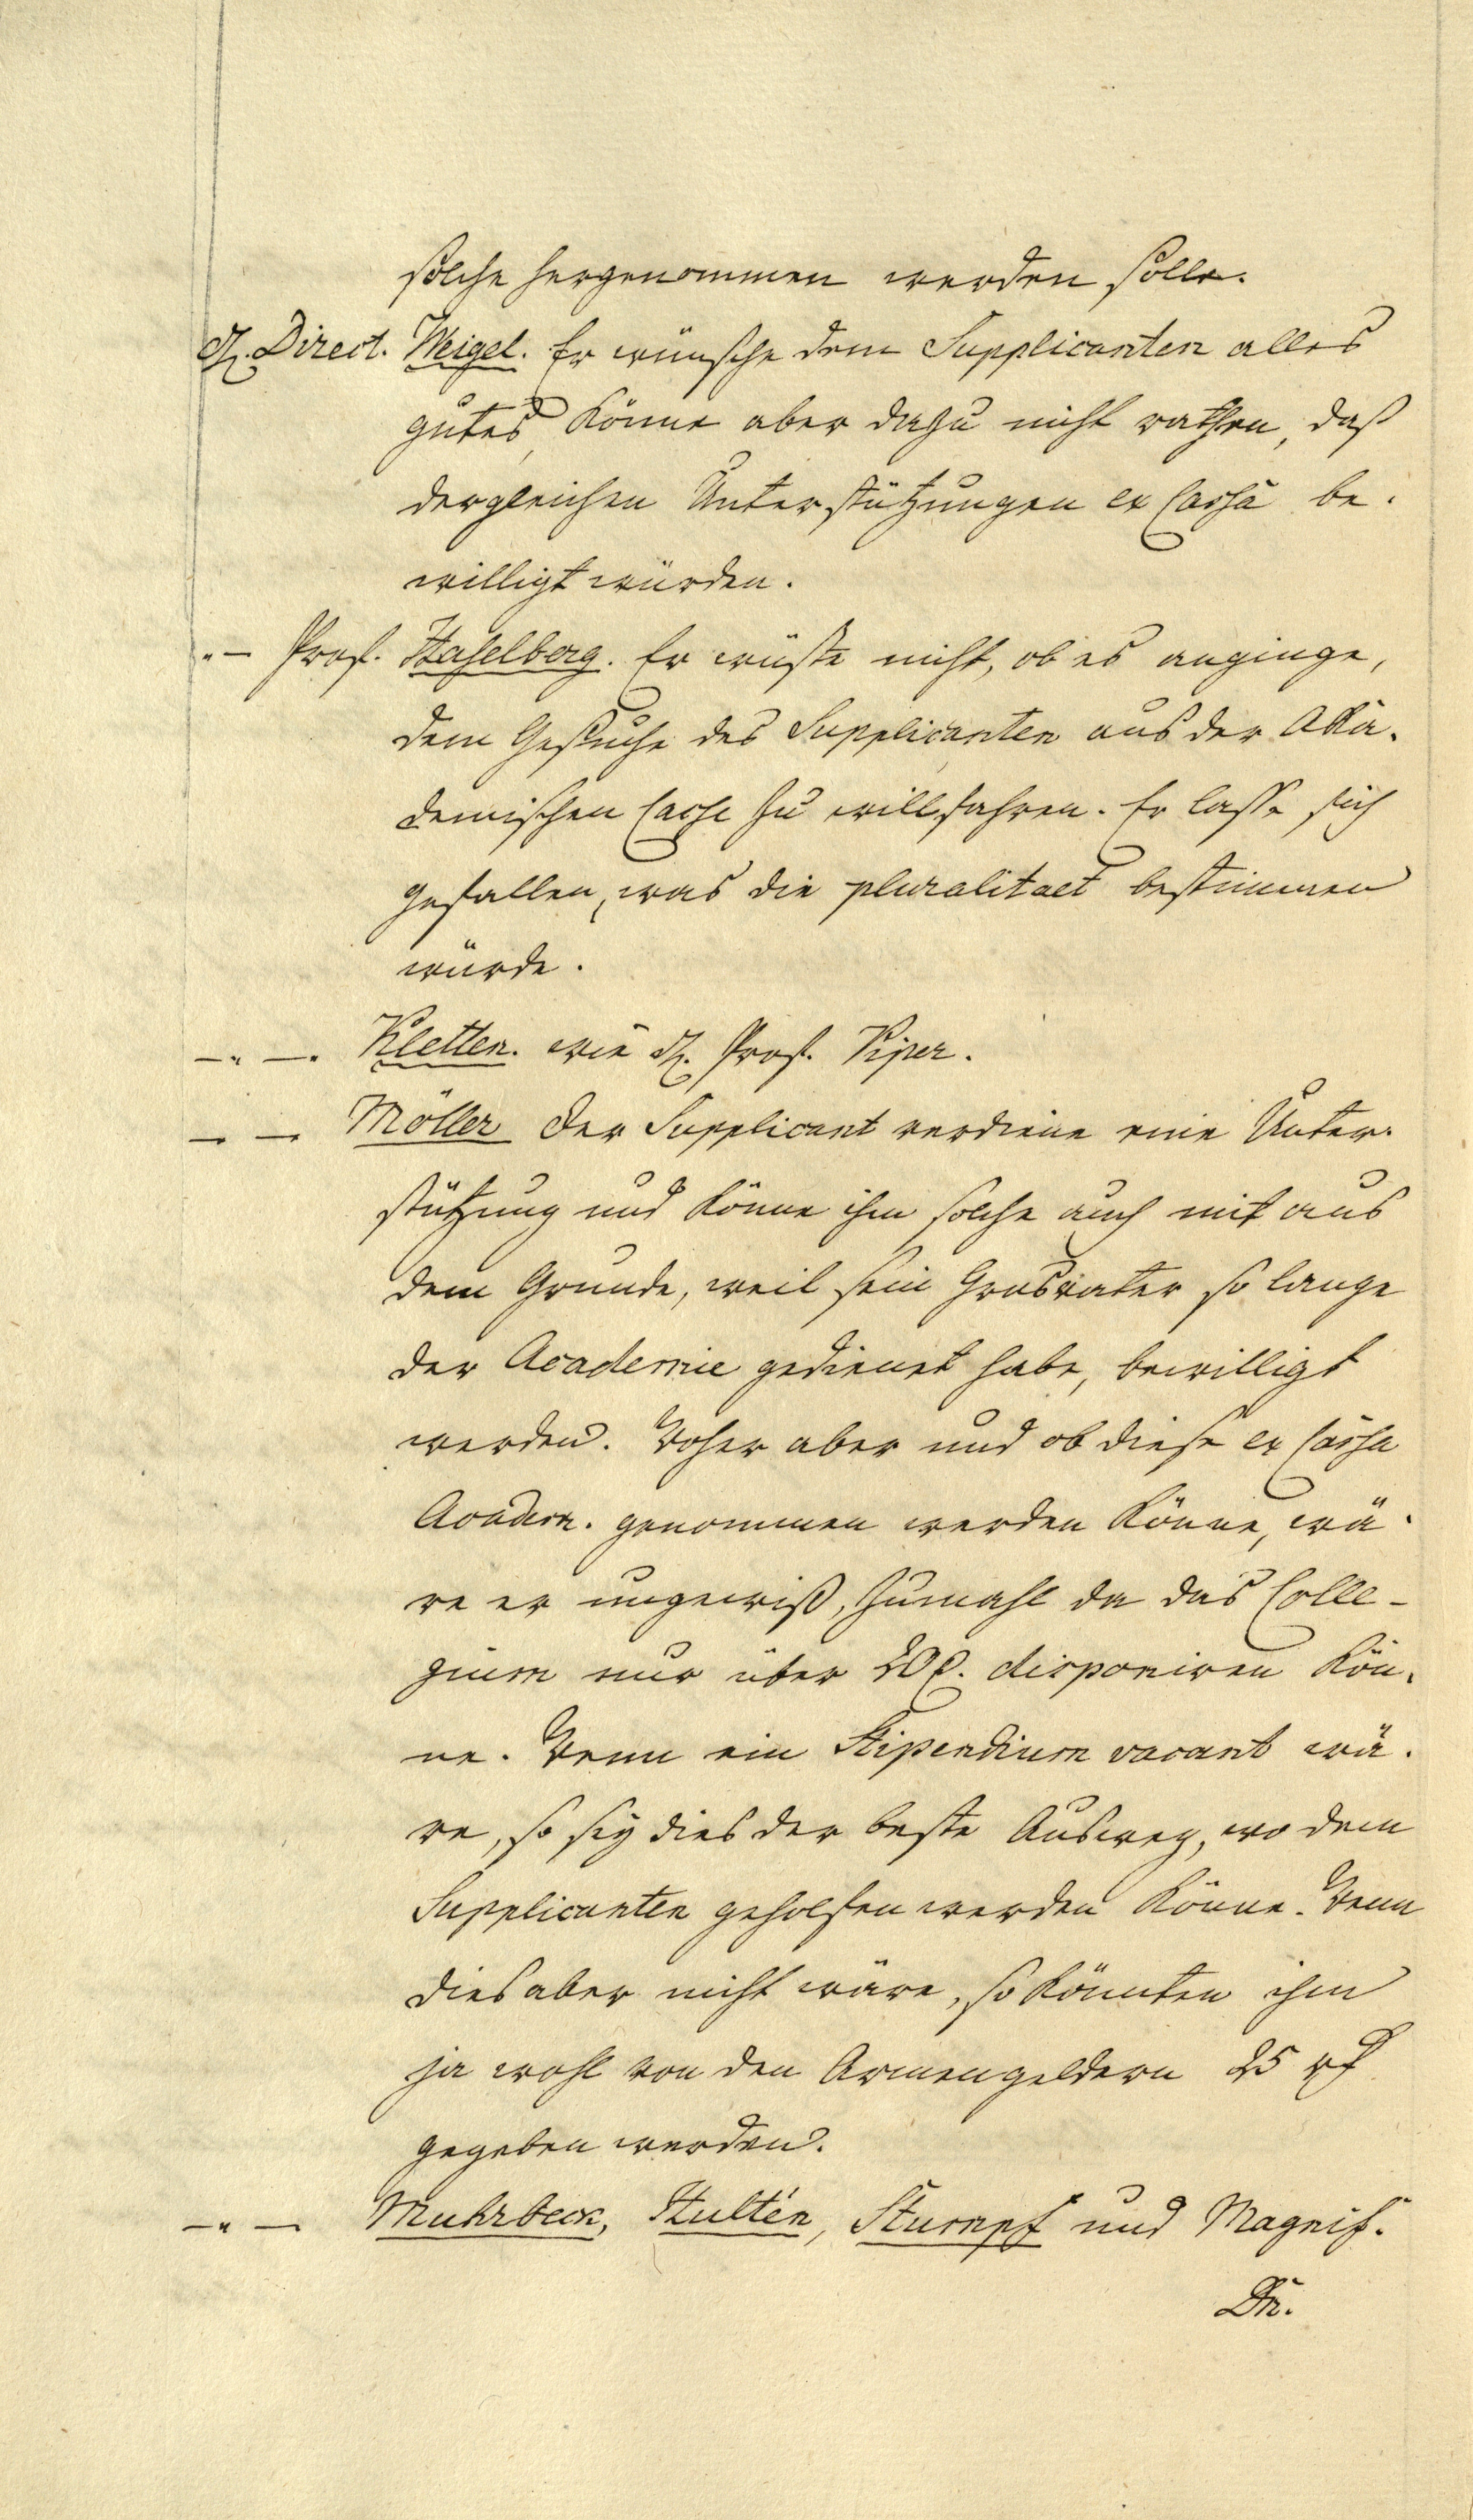solche hergenommen werden solle.
dh. Direct. Weigel. Er wünsche dem Supplicanten alles
gutes, könne aber dazu nicht rathen, daß
dergleichen Unterstützungen ex Cassa be-
willigt würden.
" - Prof. Haselberg. Er wüßte nicht, ob es anginge,
dem Gesuche des Supplicanten aus der Aka-
demischen Casse zu willfahren. Er lasse sich
gerfallen, was die pluralitaet bestimmen
würde
- " - " Kletten. wie dh. Prof. Piper.
- " - " Möller Der Supplicant verdiene eine Unter-
stützung und könne ihm solche auch mit aus
dem Grunde, weil sein Grosvater so lange
der Academie gedienet habe, bewilligt
werden. Woher aber und ob diese ex Cassa
Academ. genommen werden könne, wä-
re er ungewiß, zumahl da das Colle-
gium nur über 20 rtl. disponiren kön-
ne. Wenn ein Stipendium vacant wä-
re, so sey dies der beste Ausweg, wo dem
Supplicanten geholfen werden könne. Wenn
dies aber nicht wäre, so könnten ihm
ja wohl von den Armengeldern 25 rtl.
gegeben werden.
- " - Muhrbeck, Hultén, Stumpf und Magn.
Dn.